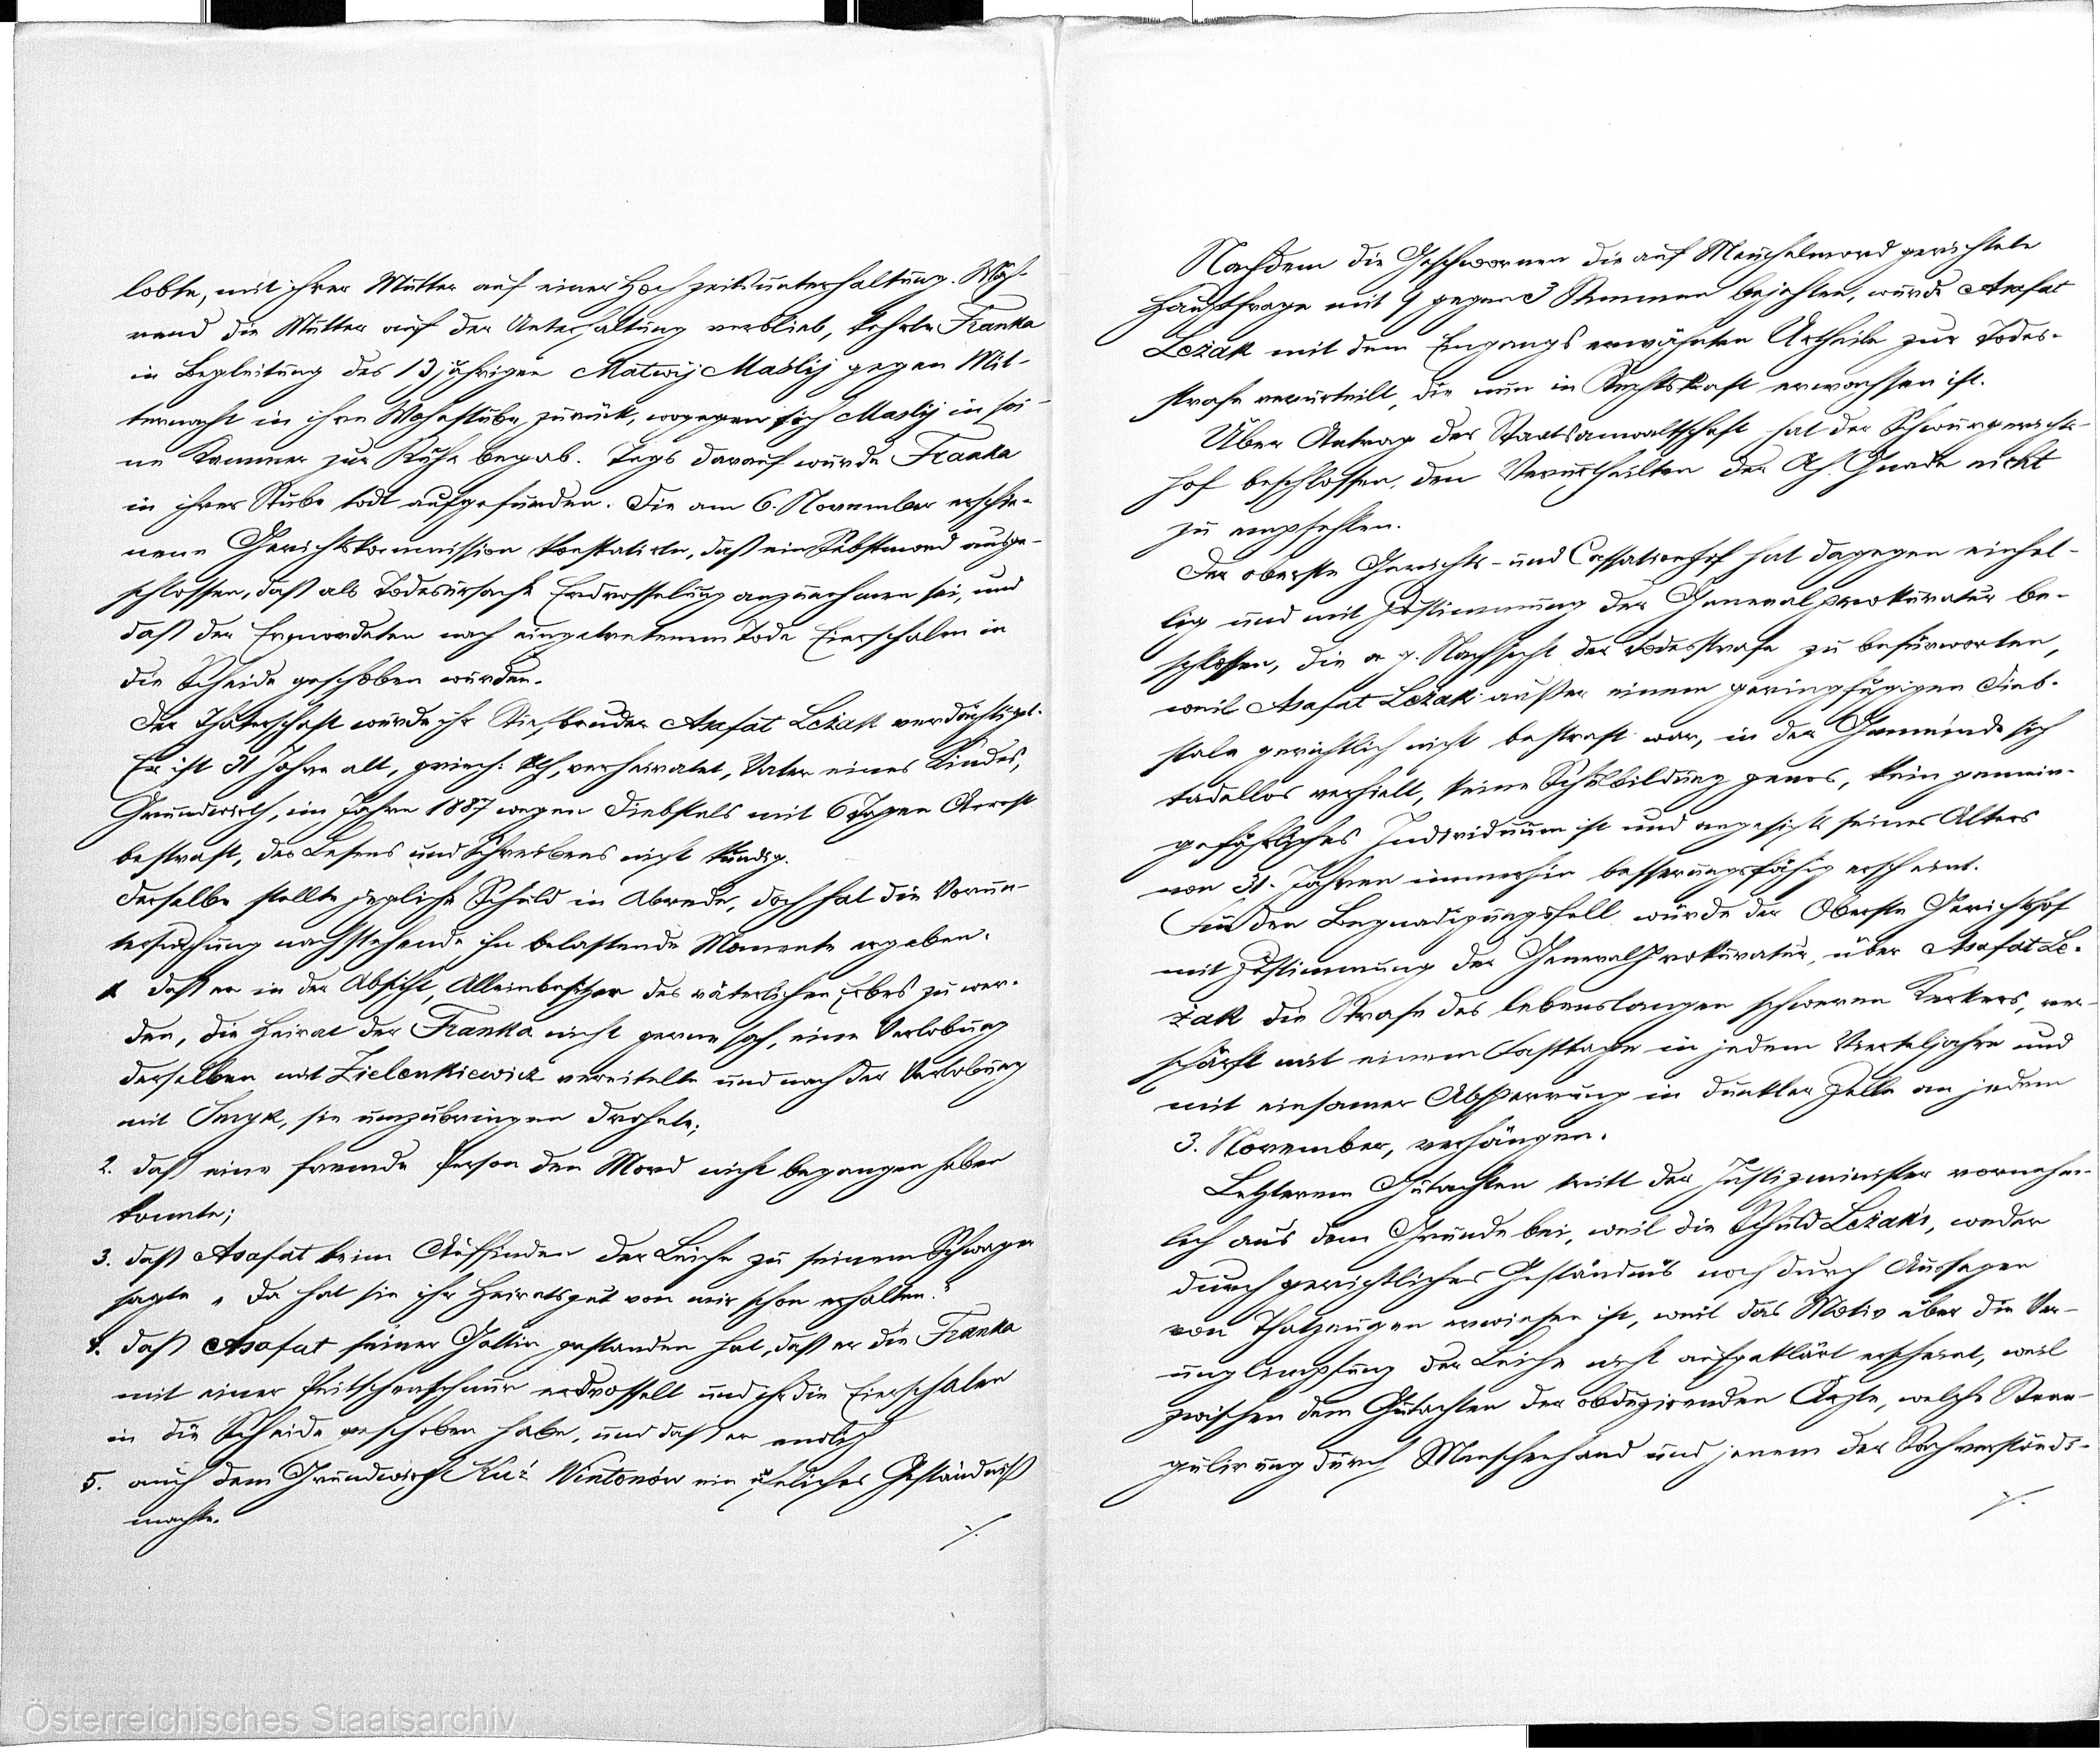lobte, mit ihrer Mutter auf einer Hochzeitsunterhaltung. Wäh¬
rend die Mutter auf der Unterhaltung verlieb, kehrte Franka
in Begleitung des 13jährigen Matwej Maślij gegen Mit¬
ternacht in ihre Wohnstube zurück, wogegen sich Maslij in sei¬
ne Kammer zur Ruhe begab. Tags darauf wurde Franka
in ihrer Stube todt aufgefunden. Die am 6. November erschie¬
nen Gerichtskommission konstatirte, daß ein Selbstmord ausge¬
schlossen, daß als Todesursache Erdrosselung anzunehmen sei, und
daß der Ermordeten nach eingetretenen Tode Eierschalen in
die Scheide geschoben wurden
Der Thäterschaft wurde ihr Stiefbruder Asafat Leżak verdächtigt.
Er ist 31 Jahre alt, griech. Kth., verheiratet, Vater eines Kindes,
Grundwirth, im Jahre 1887 wegen Diebstals mit 6 Tagen Arrest
bestraft, des Lesens und Schreibens nicht kündig.
Derselbe stellte jegliche Schuld in Abrede, doch hat die Vorun¬
tersuchung nachstehende ihn belastende Momente ergeben.
1. Daß er in der Absicht, Alleinbesitzer des väterlichen Erbes zu wer¬
den, die Heirat der Franka nicht gerne sah, eine Verlobung
derselben mit Zielonkiewicz vereitelt und nach der Verlobung
mit Smyk, sie umzubringen drohete;
2. daß eine fremde Person der Mord nicht begangen haben
konnte;
3. daß Asafat beim Auffinden der Leiche zu seinem Schwager
sagte „Da hat sie ihr Heiratsgut von mir schon erhalten.“
4. daß Asafat seiner Gattin gestanden hat, daß er die Franka
mit einer Peitschenschnur erdrosselt und ihr die Eierschalen
in die Scheide geschoben habe, und daß er endlich
5. auch dem Grundwirth Kuź Wintonów ein ähnliches Geständniß
machte.
Nachdem die Geschworenen die auf Meuchelmord gerichtete
Hauptfrage mit 9 gegen 3 Stimmen bejahten, wurde Arafat
Leżakmit dem Eingangserwähnte Urtheile zur Todes¬
strafe verurtheilt, die nun in Rechtskraft erwachsen ist.
Über Antrag der Staatsanwaltschaft hat der Schwurgerichts¬
hof beschlossen, den Verurtheilten der Ah Gnade nicht
zu empfehlen.
Der oberste Gerichts- und Cassationshof hat dagegen einhel¬
lig und mit Zustimmung der Generalprokuratur be¬
schlossen, die a.g. Nachsicht der Todesstrafe zu befürwroten
weil Asafat Leżak außer einen geringfügigen Dieb¬
stale gerichtlich nicht bestraft war, in der Gemeinde sich
tadellos verhielt, keine Schulbildung genos, kein gemein¬
gefährliches Individuum ist und angesichts seines Alters
von 31. Jahren immerhin besserungsfähig erscheint.
Für den Begnadigungsfall würde der Oberste Gerichtshof
mit Zustimmung der Generlaprokuratur, über Asafat Le¬
żak die Strafe des lebenslangen schweren Kerkers ver¬
schärft mit einem Fasttage in jedem Vierteljahre und
mit einsamer Absperrung in dunkler Zelle an jedem
3. November, verhängen.
Letzteren Gutachten tritt der Justizminister vornehm¬
lich aus dem Grunde bei, weil die Schuld Leżaks, weder
durch gerichtliches Geständnis noch durch Aussagen
von Thatzeugen erwiesen ist, weil das Motiv über die Ver¬
unglimpfung der Leiche nicht aufgeklärt erscheint, weil
zwischen dem Gutachten der obduzirenden Ärzte, welche Stran¬
gulirung durch Menschenhand aus jenem der Sachverständi¬